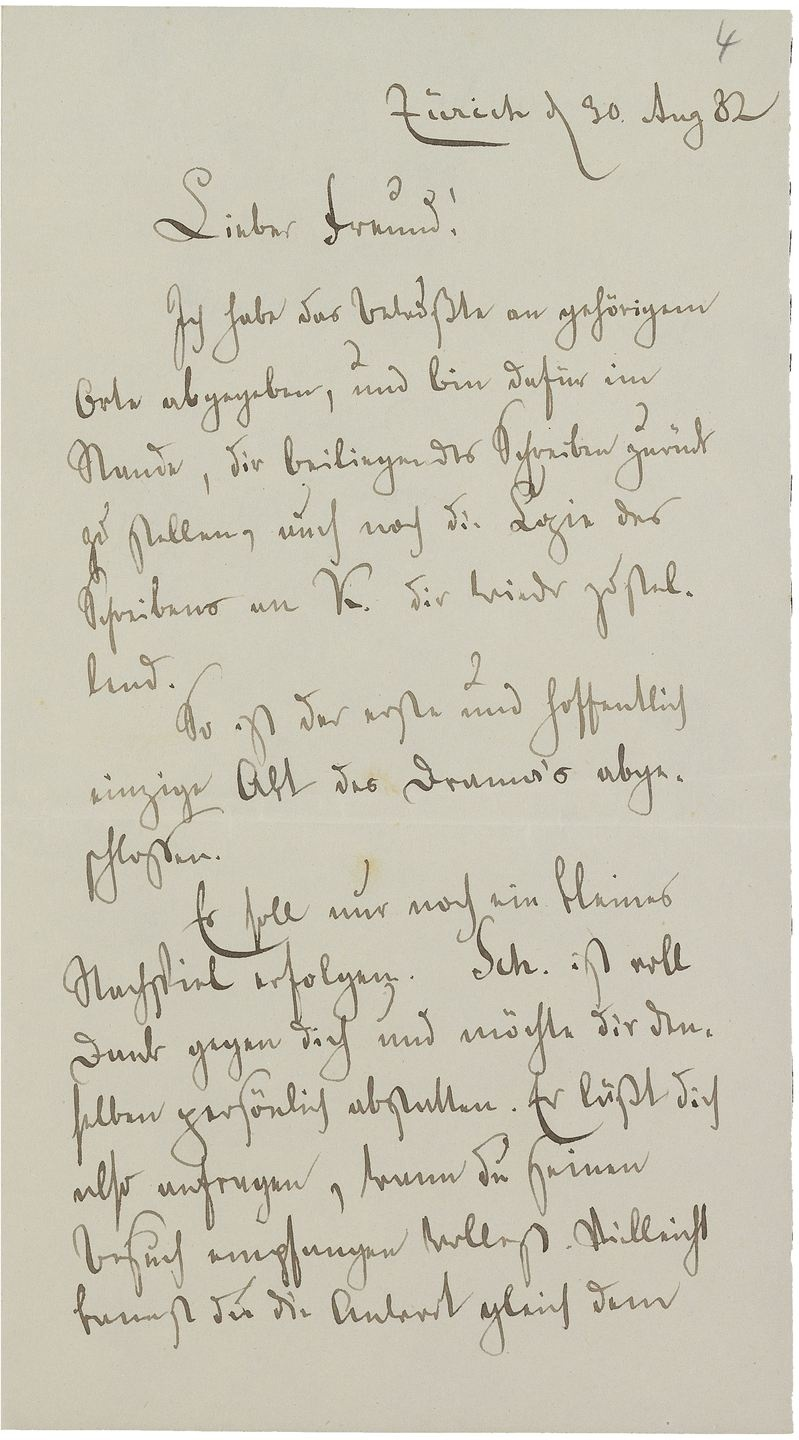Zürich d 30 Aug 82
Lieber Freund!
Ich habe das Bewußte an gehörigem
Orte abgegeben, und bin dafür im
Stande, dir beiliegendes Schreiben zurück
zu stellen, auch noch die Copie des
Schreibens an K. dir wieder zustel-
lend.
So ist der erste und hoffentlich
einzige Akt des Drama's abge-
schlossen.
Es soll nur noch ein kleines
Nachspiel erfolgen. Sch. ist voll
Dank gegen dich und möchte dir den-
selben persönlich abstatten. Er läßt dich
also anfragen, wann du seinen
Besuch empfangen wollest. Vielleicht
kannst du die Antwort gleich dem